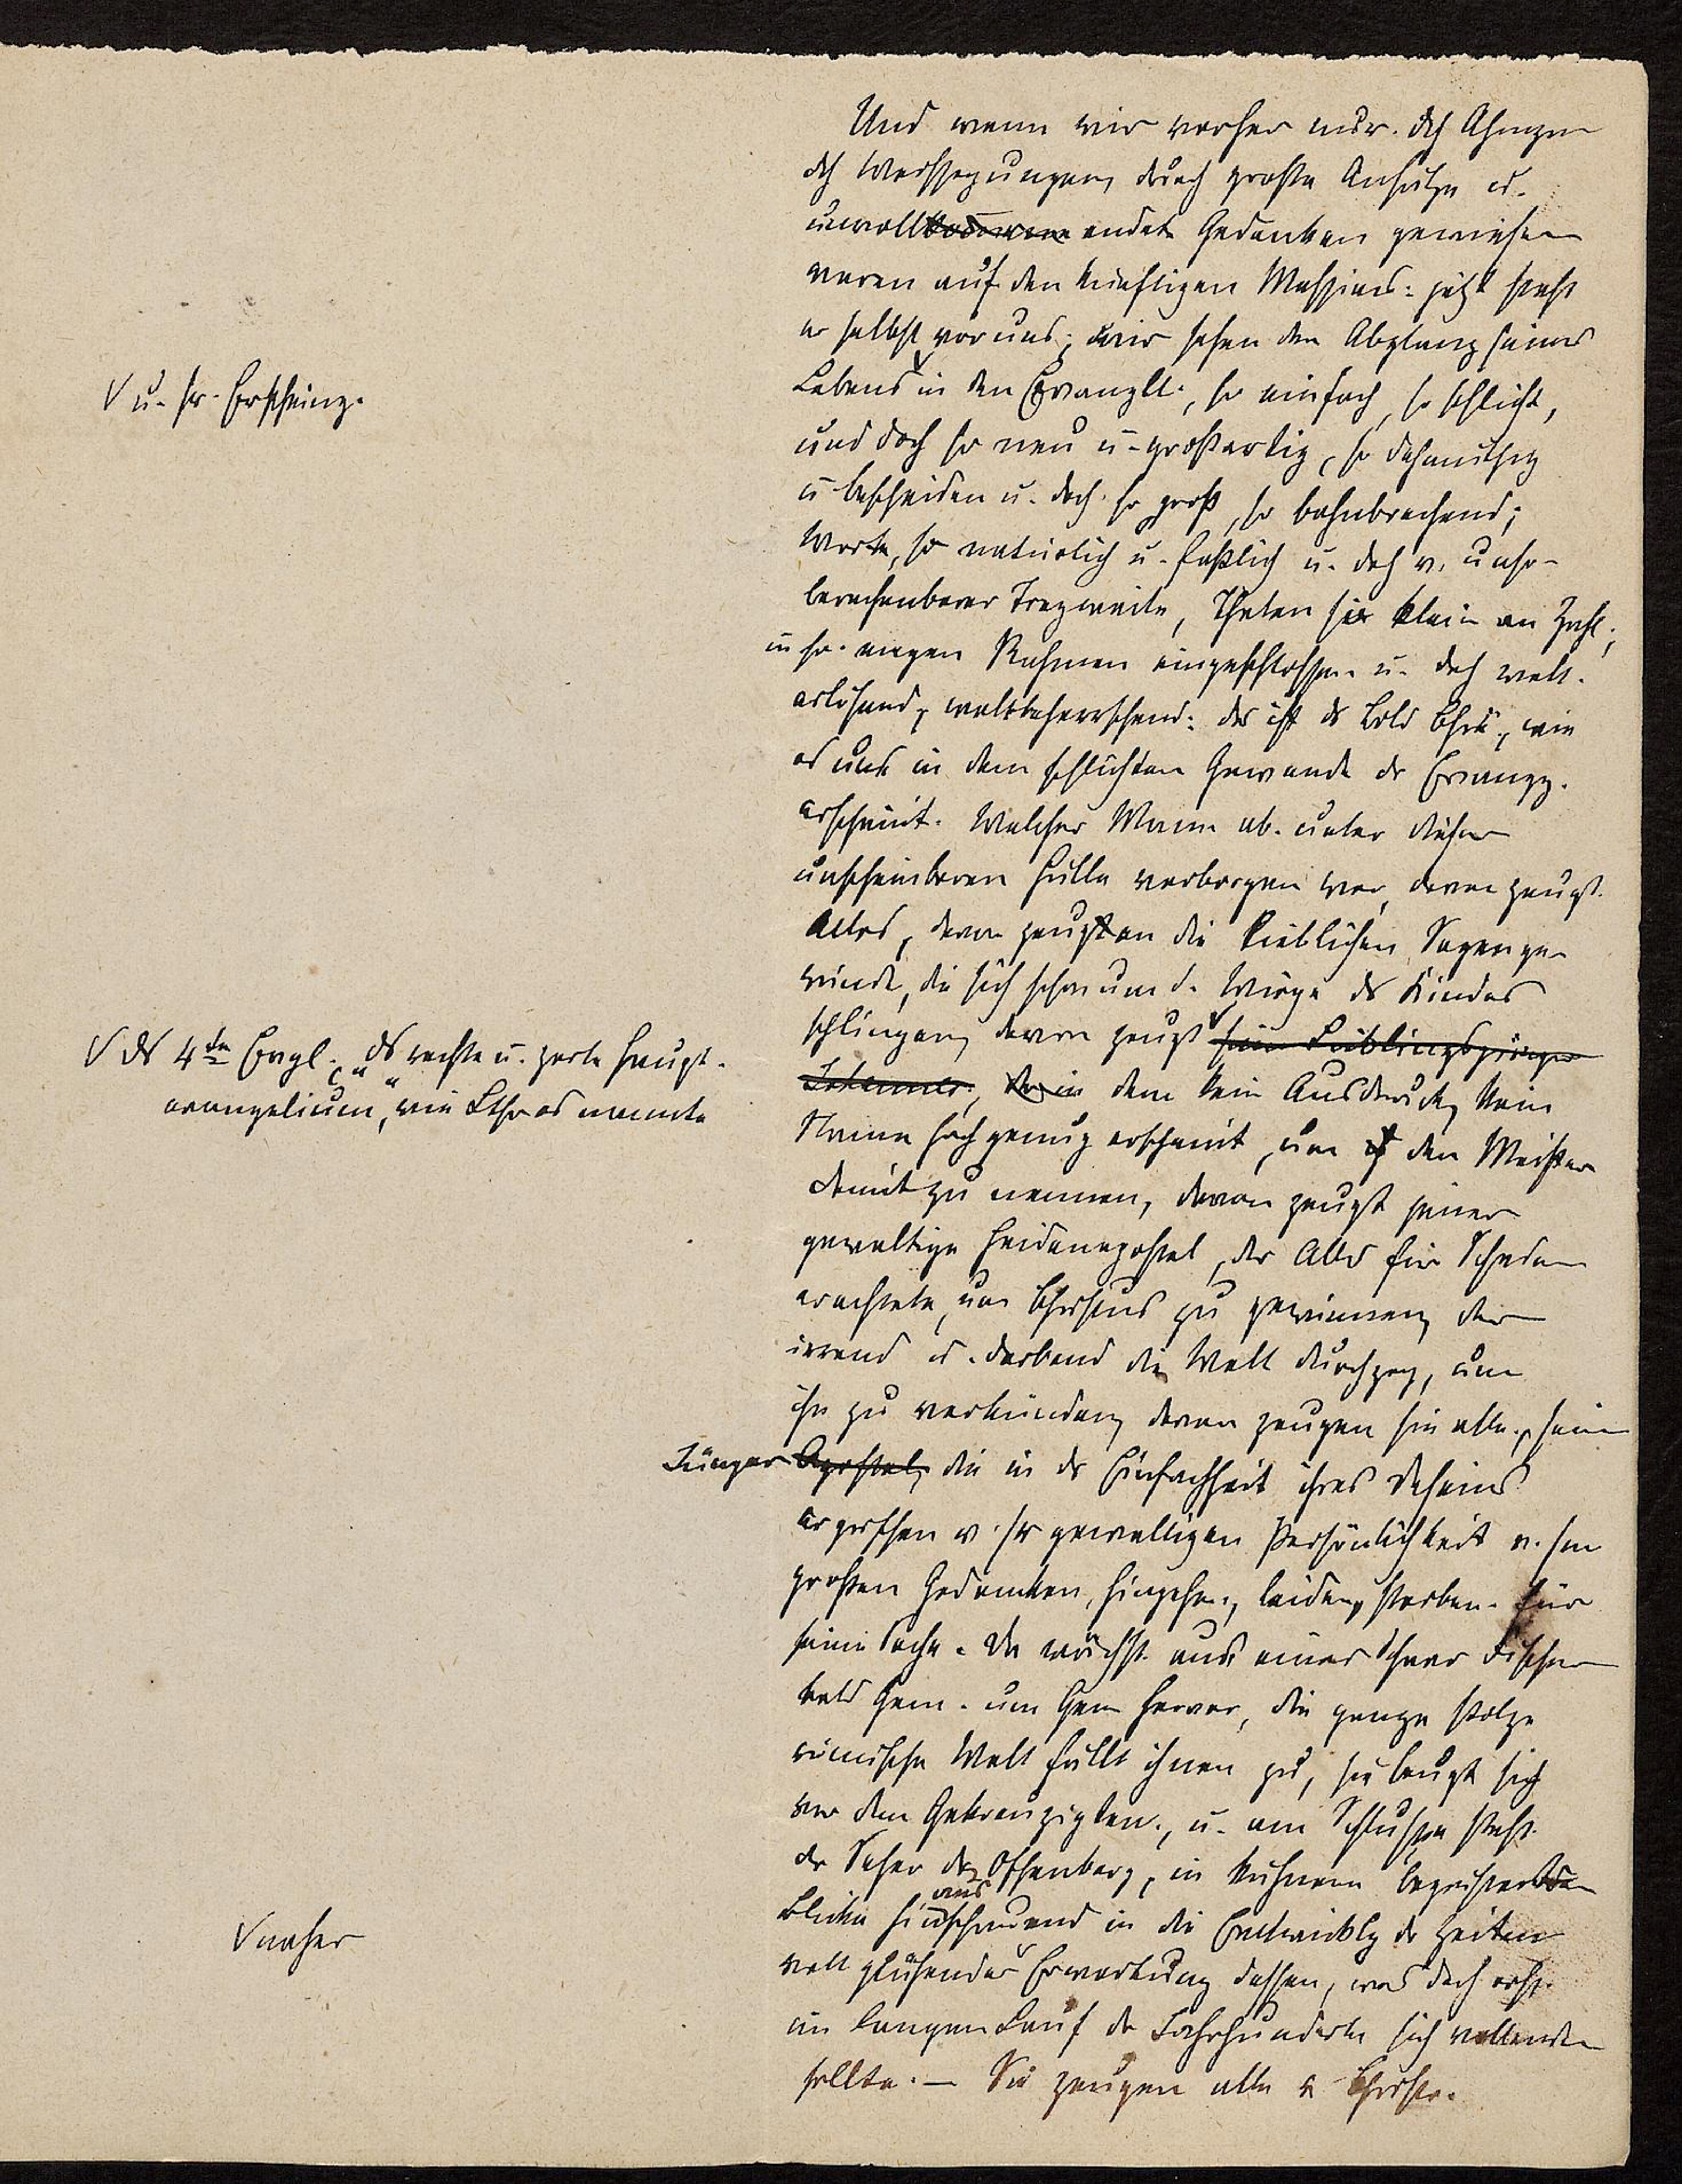V u. sr. Erscheing.
V ds 4te Evgl., ds rechte u. jerte Haupt.
evangelium wie Lthr es nannte
Jünger
V naher
Und wenn wir vorher nur dch Ahngn
dch Weissagungen, durch große Ansätze u.
unvollkommen endete Gedenken gewiesen
waren auf den künftigen Messias, jetzt steht
er selbst vor uns; wir sehen den Abglanz seines
Lebens in den Evangll., so einfach, so schlicht,
und doch so neu u. großartig, so dehmüthig
u. bescheiden u. doch so groß, so bahnbrechend;
Worte, so natürlich u. faßlich u. doch v. unso¬
berechenbarer Tragweite, Thaten so klein an Zahl;
in so engen Rahmen eingeschlossen u. doch welt¬
erlösend, weltbeherrschend: das ist ds Bild Chri, wie
es uns in dem schlichten Gewand dr Evangg.
erscheint. Welcher Mann ab. unter dieser
unscheinbaren Hülle verborgen war, davon zeugt
Alles, davon zeugten die lieblichen Sagenge¬
winde die sich schon um d. Wiege ds Kindes
schlingen, davon zeugt sein Lieblingsjünger
Johannes, der in dem kein Ausdruck, kein
Name hoch genug erscheint, um ih den Meister
damit zu nennen, davon zeugt jener
gewaltige Heidenapostel der Alles für Schaden
erachete, um Christus zu gewinnen, der
irrend u. derbend die Welt durchzog, um
ihn zu verkünden, davon zeugen sie alle, seine
Apostel, die n dr Einfachfeit ihres Daseins
ergriffen v. sr gewalligen Persönlichteit v. sm
großen Gedanken, hingehen, leiden, sterben. für
seine Sache. Da wächst aus einer Schaar Fische
bald Gem. um Gem hervor, die ganze stolze
römische Welt fällt ihnen zu, sie beugt sich
vor dem Gekreuzigten., u. am Schluße steht
dr Seher dr Offenbarg, in kühnem begeistertem
aus
Blicke hinschauend in die Entwincklg dr Zeiten
voll glühender Erwartung dessen, was doch erst.
in langem Lauf dr Jhrhunderte sich vollenden
sollte. _ Sie zeugen alle v Christo.